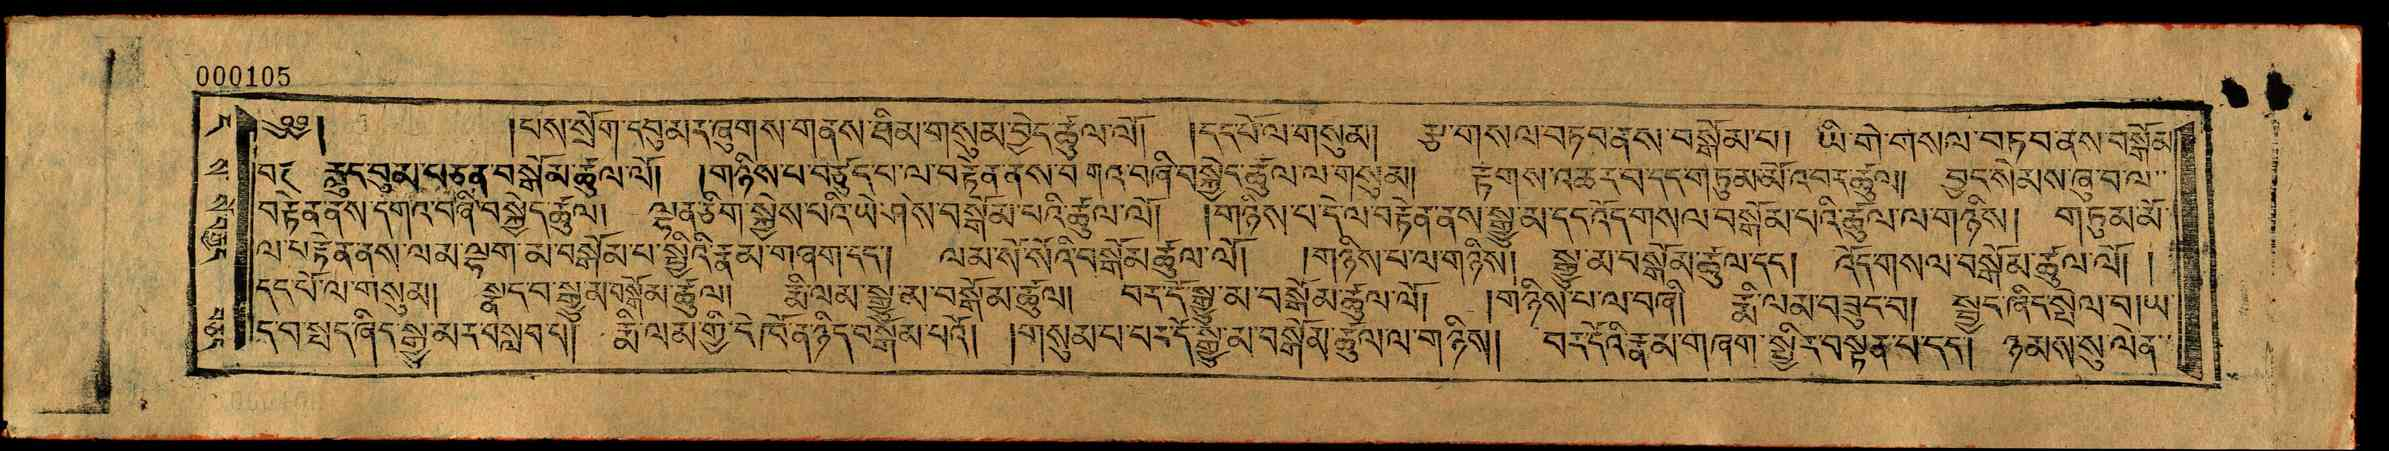༄༅། །པས་སྲོག་དབུ་མར་ཞུགས་གནས་ཐིམ་གསུམ་བྱེད་ཚུལ་ལོ། །དང་པོ་ལ་གསུམ། རྩ་གསལ་བཏབ་ནས་བསྒོམ་པ། ཡི་གེ་གསལ་བཏབ་ནས་བསྒོམ་
པ༑ རླུང་བུམ་པ་ཅན་བསྒོམ་ཚུལ་ལོ། །གཉིས་པ་བཙུད་པ་ལ་བརྟེན་ནས་དགའ་བཞི་བསྐྱེད་ཚུལ་ལ་གསུམ། རྟགས་འཆར་བ་དང་གཏུམ་མོ་འབར་ཚུལ། བྱང་སེམས་ཞུ་བ་ལ་
བརྟེན་ནས་དགའ་བཞི་བསྐྱེད་ཚུལ། ལྷན་ཅིག་སྐྱེས་པའི་ཡེ་ཤེས་བསྒོམ་པའི་ཚུལ་ལོ། །གཉིས་པ་དེ་ལ་བརྟེན་ནས་སྒྱུ་མ་དང་འོད་གསལ་བསྒོམ་པའི་ཚུལ་ལ་གཉིས། གཏུམ་མོ་
ལ་བརྟེན་ནས་ལམ་ལྷག་མ་བསྒོམ་པ་སྤྱིའི་རྣམ་གཞག་དང་། ལམ་སོ་སོའི་བསྒོམ་ཚུལ་ལོ། །གཉིས་པ་ལ་གཉིས། སྒྱུ་མ་བསྒོམ་ཚུལ་དང་། འོད་གསལ་བསྒོམ་ཚུལ་ལོ། །
དང་པོ་ལ་གསུམ། སྣང་བ་སྒྱུ་མ་བསྒོམ་ཚུལ། རྨི་ལམ་སྒྱུ་མ་བསྒོམ་ཚུལ། བར་དོ་སྒྱུ་མ་བསྒོམ་ཚུལ་ལོ། །གཉིས་པ་ལ་བཞི། རྨི་ལམ་བཟུང་བ། སྦྱང་ཞིང་སྤེལ་བ། ཡ་
ང་བ་སྤང་ཞིང་སྒྱུ་མར་བསླབ་པ། རྨི་ལམ་གྱི་དེ་ཁོ་ན་ཉིད་བསྒོམ་པའོ། །གསུམ་པ་བར་དོ་སྒྱུ་མ་བསྒོམ་ཚུལ་ལ་གཉིས། བར་དོའི་རྣམ་གཞག་སྤྱིར་བསྟན་པ་དང་། ཉམས་སུ་ལེན་